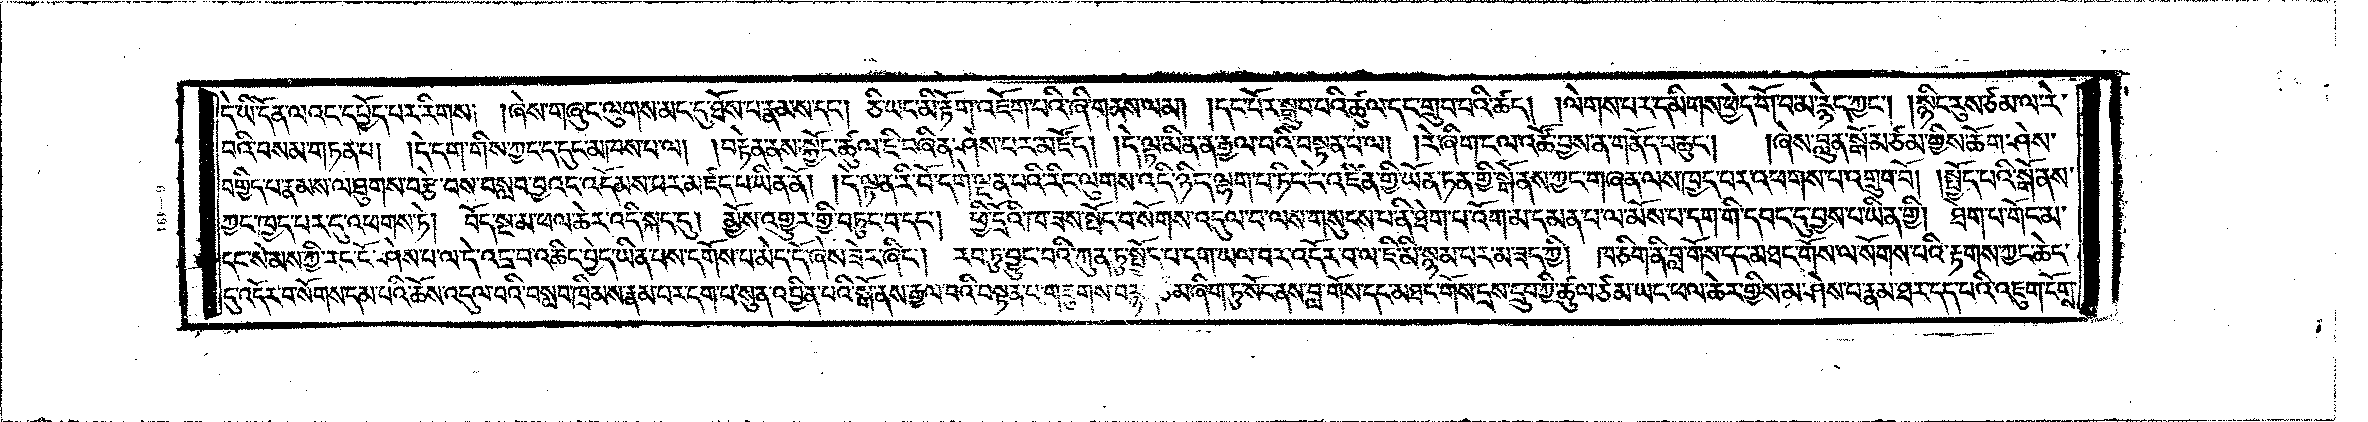དེ་ཡི་དོན་ལའང་དཔྱོད་པར་རིགས། །ཞེས་གཞུང་ལུགས་མང་དུ་ཐོས་པ་རྣམས་དང་། ཅི་ཡང་མི་རྟོག་འཇོག་པའི་ཞི་གནས་ལམ། །དང་པོར་སྒྲུབ་པའི་ཚུལ་དང་གྲུབ་པའི་ཚད། །ལེགས་པར་དམིགས་ཕྱེད་གོ་བ་མ་རྙེད་ཀྱང་། །སྙིང་རུས་ཙམ་ལ་རེ་
བའི་བསམ་གཏན་པ། །དེ་དག་གིས་ཀྱང་ད་དུང་མཁས་པ་ལ། །བརྟེན་ནས་སྐྱོང་ཚུལ་ཇི་བཞིན་ཤེས་པར་མཛོད། །དེ་ལྟ་མིན་ན་རྒྱལ་བའི་བསྟན་པ་ལ། །རེ་ཞིག་ངལ་འཚོ་བྱས་ན་གནོད་པ་ཆུང་། །ཞེས་བླུན་སྒོམ་ཙམ་གྱིས་ཆོག་ཤེས་
བགྱིད་པ་རྣམས་ལ་ཐུགས་བརྩེ་བས་བསླབ་བྱའང་འདོམས་པར་མཛད་པ་ཡིན་ནོ། །དེ་ལྟ་ན་རི་བོ་དགེ་ལྡན་པའི་རིང་ལུགས་འདི་ཉིད་ལྷག་པ་ཏིང་ངེ་འཛིན་གྱི་ཡོན་ཏན་གྱི་སྒོ་ནས་ཀྱང་གཞན་ལས་ཁྱད་པར་འཕགས་པ་འགྲུབ་བོ། །སྤྱོད་པའི་སྒོ་ནས་
ཀྱང་ཁྱད་པར་དུ་འཕགས་ཏེ། བོད་སྔ་མ་ཕལ་ཆེར་འདི་སྐད་དུ། མྱོས་འགྱུར་གྱི་བཏུང་བ་དང་། ཕྱི་དྲོའི་ཁ་ཟས་སྤོང་བ་སོགས་འདུལ་བ་ལས་གསུངས་པ་ནི་ཐེག་པ་འོག་མ་དམན་པ་ལ་མོས་པ་དག་གི་དབང་དུ་བྱས་པ་ཡིན་གྱི། ཐེག་པ་གོང་མ་
དང་སེམས་ཀྱི་རང་ངོ་ཤེས་པ་ལ་དེ་འདྲ་བ་འཆིང་བྱེད་ཡིན་པས་དགོས་པ་མེད་དོ་ཞེས་ཟེར་ཞིང་། རབ་ཏུ་བྱུང་བའི་ཀུན་ཏུ་སྤྱོད་པ་དག་ཡལ་བར་འདོར་བ་ལ་ཇི་མི་སྙམ་པར་མ་ཟད་ཀྱི། ཁ་ཅིག་ནི་བླ་གོས་དང་མཐང་གོས་ལ་སོགས་པའི་རྟགས་ཀྱང་ཆེད་
དུ་འདོར་བ་སོགས་དམ་པའི་ཆོས་འདུལ་བའི་བསླབ་ཁྲིམས་རྣམ་པར་དག་པ་སུན་འབྱིན་པའི་སྒོ་ནས་རྒྱལ་བའི་བསྟན་པ་གཟུགས་བརྙད་ཙམ་ཞིག་ཏུ་སོང་ནས་བླ་གོས་དང་མཐང་གོས་དྲས་དྲུབ་ཀྱི་ཚུལ་ཙམ་ཡང་ཕལ་ཆེར་གྱིས་མ་ཤེས་པ་རྣམ་ཐར་དད་པའི་འཇུག་ངོགས་